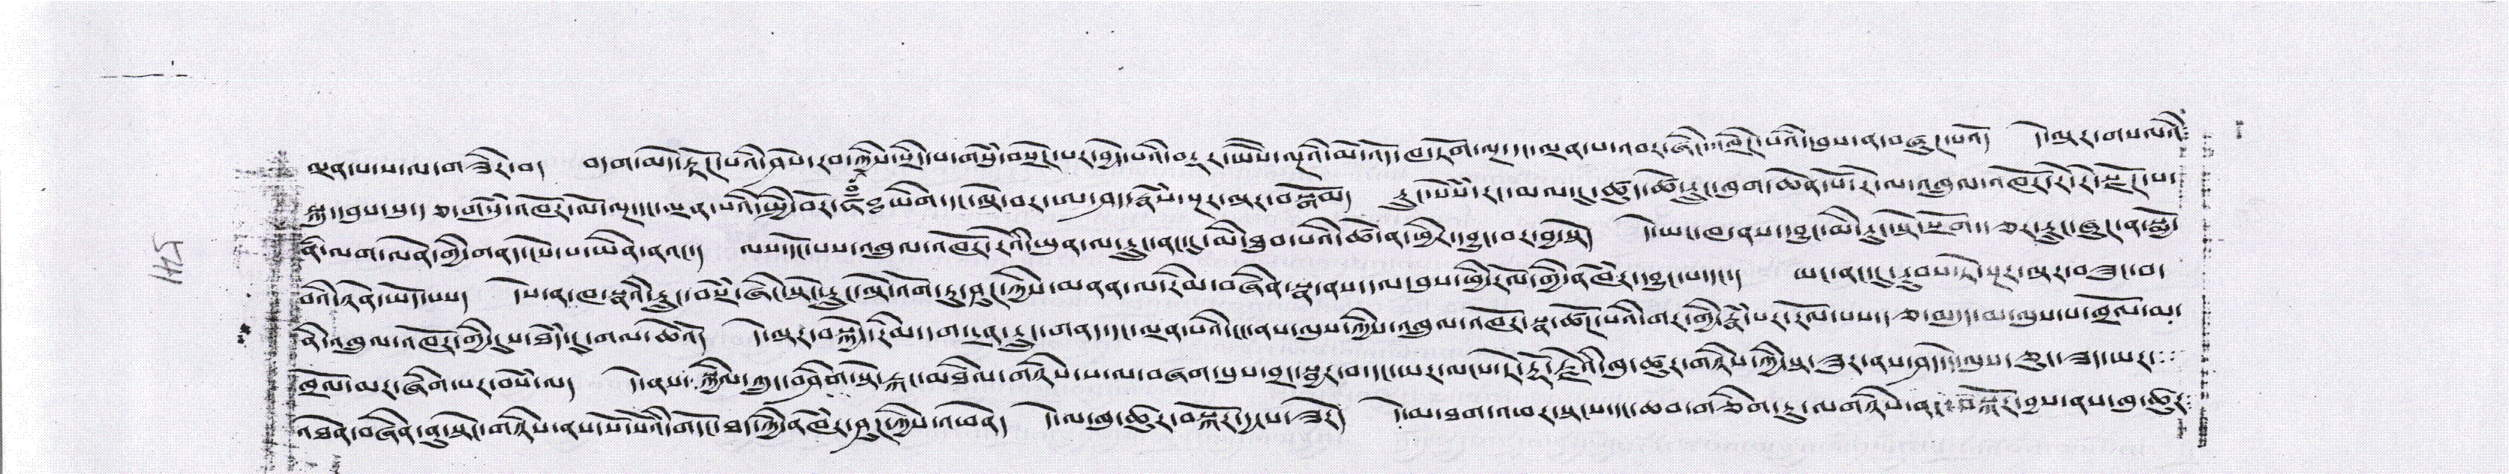ལྡན་པ་ས་ལ་གཟིར་བ། བདག་མེད་རྟོགས་པའི་ཤེས་རབ་ཀྱིས་སྲིད་པ་གསུམ་བསྲེགས་པར་བྱེད་པའི་ཡེ་ཤེས་ལྔ་ཡི་མེ་འོད་ཁ་དོག་ལྔ་དང་ལྡན་པ་འབར་ཞིང་འཁྲིགས་པའི་དབུས་ན་བཞུགས་པའོ། དེ་ལྟར་གསལ་བའི་
སྐུ་དབུས་སུ་རྩ་གསུམ་འཁོར་ལོ་ལྔ་དང་ལྡན་པའི་སྤྱི་བོར་ཧཾཿཡིག་དང་ལྟེ་བར་ཨ་ཤད་རྣམས་སྔར་ལྟར་བསྒོམ། རླུང་སེམས་རང་མལ་དུ་ཚུད་ཚེ་རླུང་ཁུག་ཆེན་པོ་རེ་ལ་འཁྲུལ་འཁོར་རེ་རེ་རྫོགས་པ་
ནི་ལག་ལེན་གྱི་གནད་ངེས་པ་ཡིན་ནའང་། ལས་དང་པོས་འཁྲུལ་འཁོར་རེ་རེའི་ཡུན་ལ་རླུང་ནང་དུ་མི་ཐུབ་པའི་ཚེ་ན་ཕྱིར་དབྱུང་བར་བྱ་སྟེ། དེ་ཡང་ཁ་ནས་དབྱུང་མི་རུང་སྟེ་སྲོག་རྩར་རླུང་ཞུགས་ན་སྨྱོ་
བའི་ཉེན་ཡོད་པས། དེས་ན་ཁ་སྣའི་རླུང་བསྡམས་ཤིང་སྟེང་རླུང་ལྟེ་འོག་ཏུ་ཤུགས་ཀྱིས་མནན་ལ་རིམ་བཞིན་སྣ་ནས་དལ་བུས་ཕྱི་རོལ་གྱི་ནམ་མཁར་དབྱུང་བ་དང་། ཡང་ནང་དུ་རྔུབས་ཏེ་སྔར་ལྟར་བཟུང་བ་
ནི་འཁྲུལ་འཁོར་གྱི་དུས་ཐམས་ཅད་དུ་གལ་ཆེའོ། དེ་ལྟར་བསྐྱེད་རིམ་དག་དྲན་རླུང་གནད་དང་ལྡན་པའི་ངང་ནས་ལུས་ཀྱི་འཁྲུལ་འཁོར་སྣ་ཚོགས་པའི་གར་གྱི་རྣམ་པར་རོལ་པས་རྩ་མདུད་མ་ལུས་པ་ཁྲོལ་མ་
ཁྲོལ་མར་ཞིག་པར་བསམ་ལ། དེ་ནས་སྐྱིལ་ཀྲུང་བཤིག་སྟེ་རྐང་མཐིལ་གཉིས་ས་ལ་བཞག་པུས་བྲང་སྦྱར་བ་དང་ཡར་ལངས་ཏེ་རྡོ་རྗེའི་ཁུ་ཚུར་གཉིས་ཀྱི་སྟ་ཟུར་ནས་ཤད་དེ་ལུས་ཅུང་ཟད་ཡར་
འཐེན་བཞིན་ནུ་སྟེང་གཉིས་ནས་སོ་སོའི་གདོང་ཐད་ཀྱི་ནམ་མཁར་ཤུགས་ཀྱིས་འཕེན། དེ་ལ་ཁུ་ཚུར་བསྐོར་རྒྱངས་ཟེར། དེ་མ་ཐག་འཕར་སྟངས་དང་ཆབས་ཅིག་ཏུ་ལག་གཉིས་ནང་བསྐོར་བྱས་ནས་ཁུ་ཚུར་